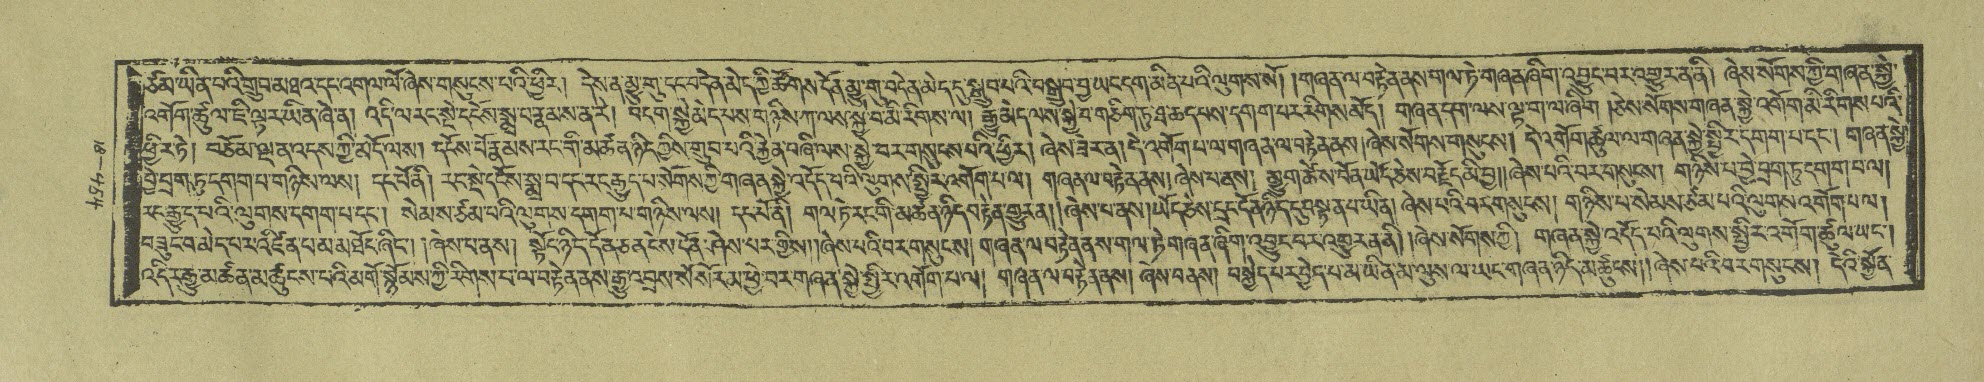ཙམ་ཡིན་པའི་གྲུབ་མཐའ་དང་འགལ་ལོ་ཞེས་གསུངས་པའི་ཕྱིར། དེས་ན་མྱུ་གུ་དང་བདེན་མེད་ཀྱི་ཚོགས་དོན་མྱུ་གུ་བདེན་མེད་དུ་སྒྲུབ་པའི་བསྒྲུབ་བྱ་ཡང་དག་མིན་པའི་ལུགས་སོ། །གཞན་ལ་བརྟེན་ནས་གལ་ཏེ་གཞན་ཞིག་འབྱུང་བར་འགྱུར་ན་ནི། ཞེས་སོགས་ཀྱི་གཞན་སྐྱེ་
འགོག་ཚུལ་ཇི་ལྟར་ཡིན་ཞེ་ན། འདི་ལ་རང་སྡེ་དངོས་སྨྲ་བ་རྣམས་ན་རེ། བདག་སྐྱེ་མེད་པས་གཉིས་ཀ་ལས་སྐྱེ་བ་མི་རིགས་ལ། རྒྱུ་མེད་ལས་སྐྱེ་བ་གཅིག་ཏུ་ཐ་ཆད་པས་དགག་པར་རིགས་མོད། གཞན་དག་ལས་ལྟ་ག་ལ་ཞིག །ཅེས་སོགས་གཞན་སྐྱེ་འགོག་མི་རིགས་པའི་
ཕྱིར་ཏེ། བཅོམ་ལྡན་འདས་ཀྱིས་མདོ་ལས། དངོས་པོ་རྣམས་རང་གི་མཚན་ཉིད་ཀྱིས་གྲུབ་པའི་རྐྱན་བཞི་ལས་སྐྱེ་བར་གསུངས་པའི་ཕྱིར། ཞེས་ཟེར་ན། དེ་འགོག་པ་ལ་གཞན་ལ་བརྟེན་ནས། ཞེས་སོགས་གསུངས། དེ་འགོག་ཚུལ་ལ་གཞན་སྐྱེ་སྤྱིར་དགག་པ་དང་། གཞན་སྐྱེ་
བྱེ་བྲག་ཏུ་དགག་པ་གཉིས་ལས། དང་པོ་ནི། རང་སྡེ་དངོས་སྨྲ་བ་དང་རང་རྒྱུད་པ་སོགས་ཀྱི་གཞན་སྐྱེ་འདོད་པའི་ལུགས་སྤྱིར་འགོག་པ་ལ། གཞན་ལ་བརྟེན་ནས། ཞེས་པ་ནས། མྱུག་ཚེ་ས་བོན་ཡོད་ཅེས་བརྗོད་མི་བྱ། །ཞེས་པའི་བར་གསུངས། གཉིས་པ་བྱེ་བྲག་ཏུ་དགག་པ་ལ།
རང་རྒྱུད་པའི་ལུགས་དགག་པ་དང་། སེམས་ཙམ་པའི་ལུགས་དགག་པ་གཉིས་ལས། དང་པོ་ནི། གལ་ཏེ་རང་གི་མཚན་ཉིད་བརྟེན་གྱུར་ན། །ཞེས་པ་ནས། ཡོད་ཅེས་དྲང་དོན་ཉིད་དུ་བསྟན་པ་ཡིན། ཞེས་པའི་བར་གསུངས། གཉིས་པ་སེམས་ཙམ་པའི་ལུགས་འགོག་པ་ལ།
བཟུང་བ་མེད་པར་འཛིན་པ་མ་མཐོང་ཞིང་། །ཞེས་པ་ནས། སྟོང་ཉིད་དོན་ཅན་ངེས་དོན་ཤེས་པར་གྱིས། །ཞེས་པའི་བར་གསུངས། གཞན་ལ་བརྟེན་ནས་གལ་ཏེ་གཞན་ཞིག་འབྱུང་བར་འགྱུར་ན་ནི། །ཞེས་སོགས་ཀྱི། གཞན་སྐྱེ་འདོད་པའི་ལུགས་སྤྱིར་འགོག་ཚུལ་ཡང་།
འདིར་རྒྱུ་མཚན་མཚུངས་པའི་མགོ་སྙོམས་ཀྱི་རིགས་པ་ལ་བརྟེན་ནས་རྒྱུ་འབྲས་སོ་སོར་མ་ཕྱེ་བར་གཞན་སྐྱེ་སྤྱིར་འགོག་པ་ལ། གཞན་ལ་བརྟེན་ནས། ཞེས་པ་ནས། བསྐྱེད་པར་བྱེད་པ་མ་ཡིན་མ་ལུས་ལ་ཡང་གཞན་ཉིད་མཚུངས། །ཞེས་པའི་བར་གསུངས། །དེའི་སྐྱོན་